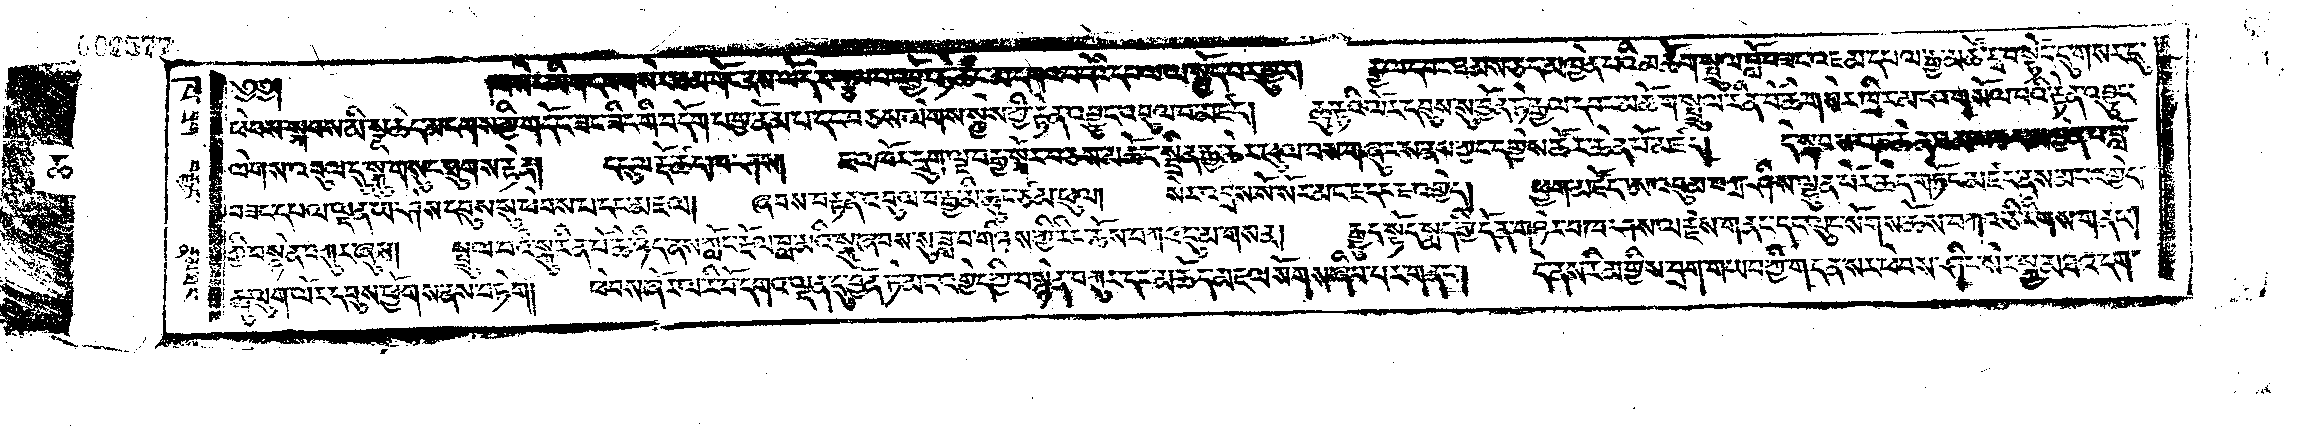༄༅། །གསེར་ཡིག་དང་གསེར་ཐམ་གོང་ནས་ལོ་དེར་སྩལ་བ་འབྱོར་ཏེ་ཚང་མ་དགའ་བདེའི་དཔལ་ལ་སྦྱོད་པར་གྱུར། རྒྱལ་དབང་ཐམས་ཅད་མཁྱེན་པའི་མཆོག་སྤྲུལ་བློ་བཟང་འཇམ་དཔལ་རྒྱ་མཚོ་རྭ་བ་སྟོང་དུ་གསར་དུ་
ཕེབས་སྐབས་མི་སྣ་ཆེད་མངགས་ཀྱི་གདོང་ཟང་ཟིང་གི་བདོག་པ་གྱ་ནོམ་པ་དང་བཅས་ལེགས་སྐྱེས་ཀྱི་རྟེན་འབྱུང་འབུལ་བ་མཛད། ཆུ་རྟའི་ལོར་དབུས་སུ་བྱོན་ཏེ་རྒྱལ་དབང་མཆོག་སྤྲུལ་རིན་པོ་ཆེ་གསེར་ཁྲིར་མངའ་གསོལ་བའི་རྟེན་འབྱུང་
ལེགས་འབུལ་དུ་སྐུ་གསུང་ཐུགས་རྟེན། དངུལ་རྡོ་ཚད་ཁ་ཤས། ཇ་འཁོར་དྲུག་ལྔ་བརྒྱ་སྐོར་བཅས་མཆོད་སྦྲིན་རྒྱ་ཆེར་ཕུལ་བས་གཞུང་ས་ནས་ཀྱང་དགྱེས་ཚོར་ཆེན་པོ་མཛད། དེ་སྐབས་པཎ་ཆེན་ཐམས་ཅད་མཁྱེན་པ་བློ་
བཟང་དཔལ་ལྡན་ཡེ་ཤེས་དབུས་སུ་ཕེབས་པ་དང་མཇལ། ཞབས་བརྟན་འབུལ་བ་རྒྱ་མི་ཆུང་ཙམ་ཕུལ། སེར་འབྲས་སོ་སོར་མང་ཇ་དང་ཇ་འགྱེད། ཕྱག་མཛོད་ཨ་འབུམ་བཀྲ་ཤིས་ལྷུན་པོར་ཆེད་གཏོང་མཛད་ནས་མང་འགྱེད་
ཀྱི་བསྙེན་བཀུར་ཞུས། སྤྲུལ་བའི་སྐུ་རིན་པོ་ཆེ་ཉིད་ནས་ཀློང་རྡོལ་བླ་མའི་སྐུ་ཞབས་སུ་ཟླ་བ་གཉིས་ཀྱི་རིང་ཆོས་བཀའ་དུ་མ་གསན། རྒྱུད་སྟོང་སྨད་ཀྱི་དོན་གཉེར་བ་ཁ་ཤས་ལ་རྗེས་གནང་དང་ལུང་སོགས་ཆོས་བཀའ་ཅི་རིགས་གནང་།
ཆུ་ལུག་ལོར་དབུས་ཕྱོགས་ནས་བཏེག། ཕེབས་ཞོར་ལ་རི་བོ་དགའ་ལྡན་དུ་བྱོན་ཏེ་མང་འགྱེད་ཀྱི་བསྙེན་བཀུར་དང་མཆོད་མཇལ་སོགས་ཞིབ་པར་གནང་། དེ་ནས་རིམ་གྱིས་བྲག་གཡབ་ཀྱི་གདན་སར་ཕེབས་ཤིང་སེར་སྐྱ་མཐའ་དག་